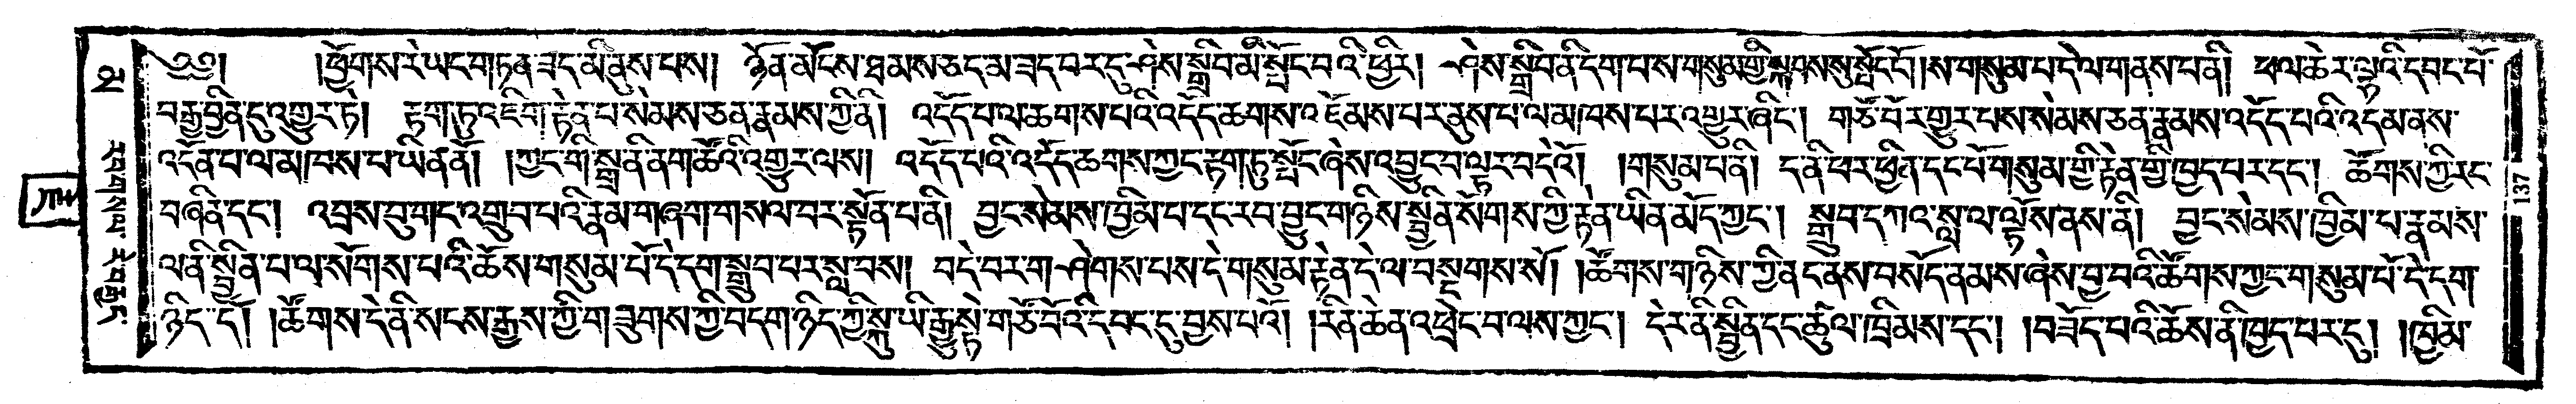༄༅། །ཕྱོགས་རེ་ཡང་གཏན་ཟད་མི་ནུས་པས། ཉོན་མོངས་ཐམས་ཅད་མ་ཟད་བར་དུ་ཤེས་སྒྲིབ་མི་སྤོང་བའི་ཕྱིར། ཤེས་སྒྲིབ་ནི་དག་པ་ས་གསུམ་གྱི་སྐབས་སུ་སྤོང་ངོ། །ས་གསུམ་པ་དེ་ལ་གནས་པ་ནི། ཕལ་ཆེར་ལྷའི་དབང་པོ་
བརྒྱ་བྱིན་དུ་འགྱུར་ཏེ། རྟག་ཏུ་འཇིག་རྟེན་པ་སེམས་ཅན་རྣམས་ཀྱི་ནི། འདོད་པ་ལ་ཆགས་པའི་འདོད་ཆགས་འཇོམས་པར་ནུས་པ་ལ་མཁས་པར་འགྱུར་ཞིང་། གཙོ་བོར་གྱུར་བས་སེམས་ཅན་རྣམས་འདོད་པའི་འདམ་ནས་
འདོན་པ་ལ་མཁས་པ་ཡིན་ནོ། །ཀྱང་གི་སྒྲ་ནི་ནག་ཚོའི་འགྱུར་ལས། འདོད་པའི་འདོད་ཆགས་ཀྱང་རྟག་ཏུ་སྤོང་ཞེས་འབྱུང་བ་ལྟར་བདེའོ། །གསུམ་པ་ནི། ད་ནི་ཕར་ཕྱིན་དང་པོ་གསུམ་གྱི་རྟེན་གྱི་ཁྱད་པར་དང་། ཚོགས་ཀྱི་རང་
བཞིན་དང་། འབྲས་བུ་གང་འགྲུབ་པའི་རྣམ་གཞག་གསལ་བར་སྟོན་པ་ནི། བྱང་སེམས་ཁྱིམ་པ་དང་རབ་བྱུང་གཉིས་སྦྱིན་སོགས་ཀྱི་རྟེན་ཡིན་མེད་ཀྱང་། སྒྲུབ་དཀའ་སླ་ལ་ལྟོས་ནས་ནི། བྱང་སེམས་ཁྱིམ་པ་རྣམས་
ལ་ནི་སྦྱིན་པ་ལ་སོགས་པའི་ཆོས་གསུམ་པོ་དེ་དག་སྒྲུབ་པར་སླ་བས། བདེ་བར་གཤེགས་པས་དེ་གསུམ་རྟེན་དེ་ལ་བསྔགས་སོ། །ཚོགས་གཉིས་ཀྱི་ནང་ནས་བསོད་ནམས་ཞེས་བྱ་བའི་ཚོགས་ཀྱང་གསུམ་པ་དེ་དག་
ཉིད་དོ། །ཚོགས་དེ་ནི་སངས་རྒྱས་ཀྱི་གཟུགས་ཀྱི་བདག་ཉིད་ཀྱི་སྐུ་ཡི་རྒྱུ་སྟེ་གཙོ་བོའི་དབང་དུ་བྱས་པའོ། །རིན་ཆེན་འཕྲེང་བ་ལས་ཀྱང་། དེར་ནི་སྦྱིན་དང་ཚུལ་ཁྲིམས་དང་། །བཟོད་པའི་ཆོས་ནི་ཁྱད་པར་དུ། །ཁྱིམ་